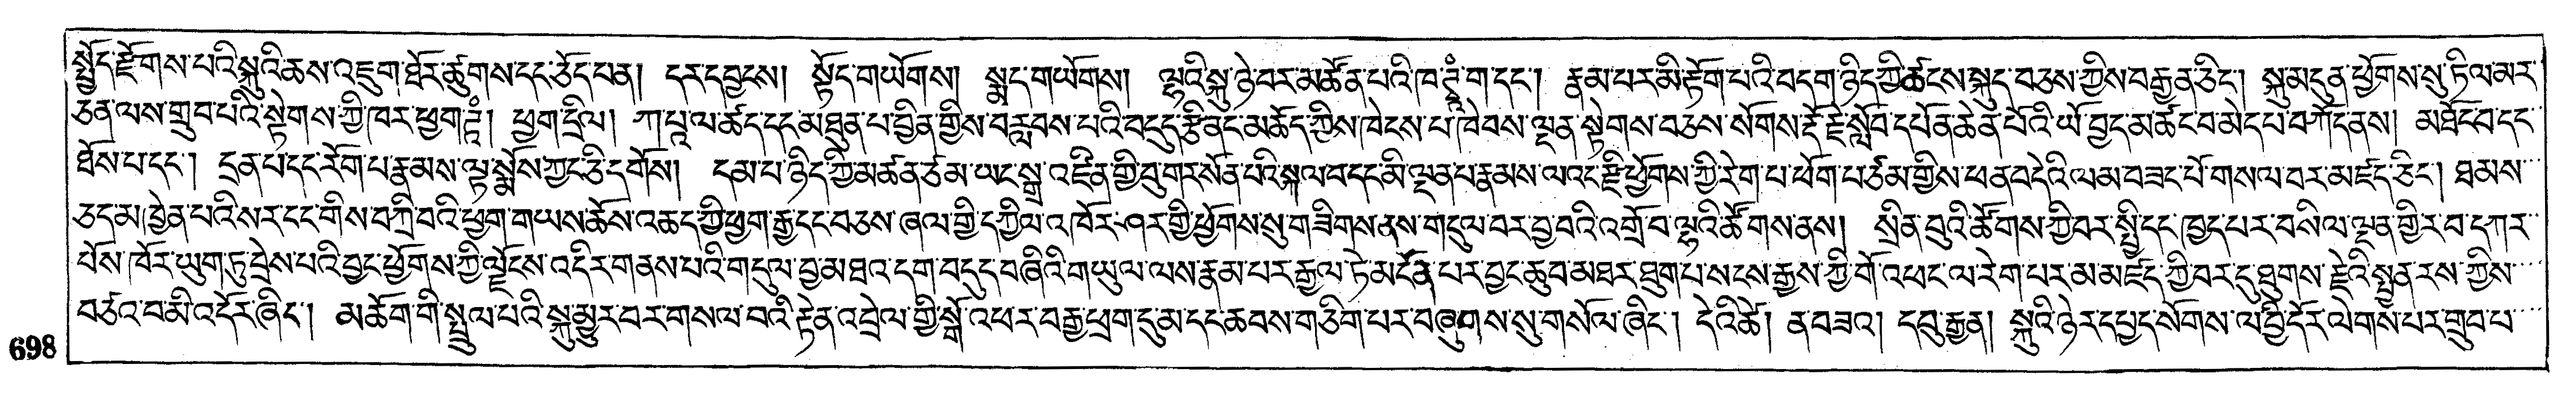སྤྱོད་རྫོགས་པའི་སྐུའི་ཆས་འཇུག་ཐོར་ཚུགས་དང་ཅོད་པན། དར་དབྱངས། སྟོད་གཡོགས། སྨད་གཡོགས། ལྷའི་སྐུ་ཉེ་བར་མཚོན་པའི་ཁ་ཊྭཾ་ག་དང་། རྣམ་པར་མི་རྟོག་པའི་བདག་ཉིད་ཀྱི་ཚངས་སྐུད་བཅས་ཀྱིས་བརྒྱན་ཅིང་། སྐུ་མདུན་ཕྱོགས་སུ་ཏིལ་མར་
ཅན་ལས་གྲུབ་པའི་སྟེགས་ཀྱི་ཁར་ཕྱག་ཌཱཾ། ཕྱག་དྲིལ། ཀ་པཱ་ལ་ཚད་དང་མཐུན་པ་བྱིན་གྱིས་བརླབས་པའི་བདུད་རྩི་ནང་མཆོད་ཀྱིས་ཁེངས་པ་ཁེབས་ལྡན་སྟེགས་བཅས་སོགས་རྡོ་རྗེ་སློབ་དཔོན་ཆེན་པོའི་ཡོ་བྱད་མ་ཚང་བ་མེད་པ་བཀོད་ནས། མཐོང་བ་དང་
ཐོས་པ་དང་། དྲན་པ་དང་རེག་པ་རྣམས་ལྟ་སྨོས་ཀྱང་ཅི་དགོས། དམ་པ་ཉིད་ཀྱི་མཚན་ཙམ་ཡང་སྒྲ་འཛིན་གྱི་བུ་གར་སོན་པའི་སྐལ་བ་དང་མི་ལྡན་པ་རྣམས་ལའང་རྫི་ཕྱོགས་ཀྱི་རེག་པ་ཕོག་པ་ཙམ་གྱིས་ཕན་བདེའི་ལམ་བཟང་པོ་གསལ་བར་མཛད་ཅིང་། ཐམས་
ཅད་མཁྱེན་པའི་སར་དང་གིས་བཀྲི་བའི་ཕྱག་གཡས་ཆོས་འཆད་ཀྱི་ཕྱག་རྒྱ་དང་བཅས་ཞལ་གྱི་དཀྱིལ་འཁོར་ཤར་གྱི་ཕྱོགས་སུ་གཟིགས་ནས་གདུལ་བར་བྱ་བའི་འགྲོ་བ་ལྷའི་ཚོགས་ནས། སྲིན་བུའི་ཚོགས་ཀྱི་བར་སྤྱི་དང་ཁྱད་པར་བསིལ་ལྡན་གྱི་ར་བ་དཀར་
པོས་ཁོར་ཡུག་ཏུ་བྲེས་པའི་བྱང་ཕྱོགས་ཀྱི་ལྗོངས་འདིར་གནས་པའི་གདུལ་བྱ་མཐའ་དག་བདུང་བཞིའི་གཡུལ་ལས་རྣམ་པར་རྒྱལ་ཏེ་མངོན་པར་བྱང་ཆུབ་མཐར་ཐུག་པ་སངས་རྒྱས་ཀྱི་གོ་འཕང་ལ་རེག་པར་མ་མཛད་ཀྱི་བར་དུ་ཐུགས་རྗེའི་སྤྱན་རས་ཀྱིས་
བཙའ་བ་མི་འདོར་ཞིང་། མཆོག་གི་སྤྲུལ་པའི་སྐུ་མྱུར་བར་གསལ་བའི་རྟེན་འབྲེལ་གྱི་སྒོ་འཕར་བརྒྱ་ཕྲག་དུ་མ་དང་ཆབས་གཅིག་པར་བཞུགས་སུ་གསོལ་ཞིང་། དེའི་ཚེ། ན་བཟའ། དབུ་རྒྱན། སྐུའི་ཉེར་དཔྱད་སོགས་ལ་བྱི་དོར་ལེགས་པར་གྲུབ་པ་